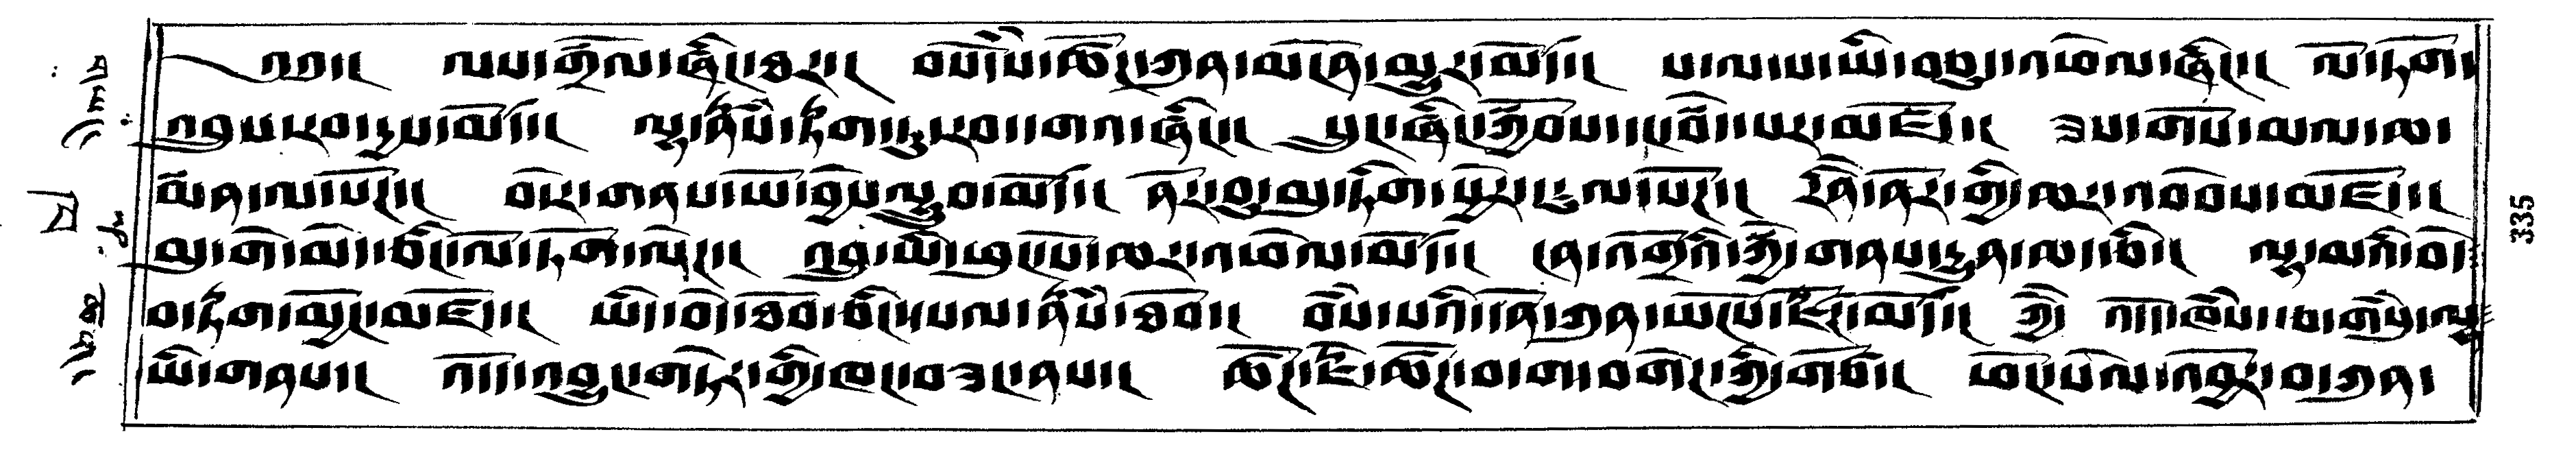ལས་སྒྲོལ་ཞིང་ཐར། །བསོད་ནམས་ཚོགས་ཀུན་མངོན་གྱུར་མཛོད། །ས་ལ་ས་ཡི་བཅུད་འཕེལ་ཞིང་། །ལོ་ཏོག་
འབྲས་བུ་རབ་རྒྱས་མཛོད། །ལྷ་རྣམས་རྟག་ཏུ་རབ་དགའ་ཞིང་། །སྲུང་ཞིང་སྐྱོབས་དང་སྦེད་པར་མཛོད། །ཟས་གོས་མལ་ཆ་
སྨན་ལ་སོགས། །བདེར་གནས་ཡོ་བྱད་ལྷུན་གྲུབ་མཛོད། །ནོར་བུ་མུ་ཏིག་གསེར་དངུལ་སོགས། །རིན་ཆེན་ནོར་གྱི་ཆར་འབེབས་མཛོད། །
མུ་གེ་མེད་ཅིང་ལོ་ཏོག་ལེགས། །འབྲུ་ཡི་ཕུང་པོ་ཆར་འཕེལ་མཛོད། །ངན་འགྲོའི་སྐྱེ་གནས་རྒྱུན་ཆད་ཅིང་། །ལྷ་མིའི་བདེ་
བ་རྟག་མྱོང་མཛོད། །ཡིད་བདེ་ཐོབ་ཅིང་དཔལ་རྣམས་ཐོབ། བསམ་པའི་དོན་ཀུན་ཡོངས་རྫོགས་མཛོད། ཀྱཻ། འདོད་ཁམས་རྩ་གསུམ་
ལྷ་ཡི་གནས། །འདོད་འབྱུང་གཏེར་གྱི་ཁང་བཟང་ནས། །ཚོགས་རྗེ་ཚོགས་བདག་བགེགས་ཀྱི་གཙོ། །ཕོངས་སེལ་འབྱོར་བ་ཀུན་